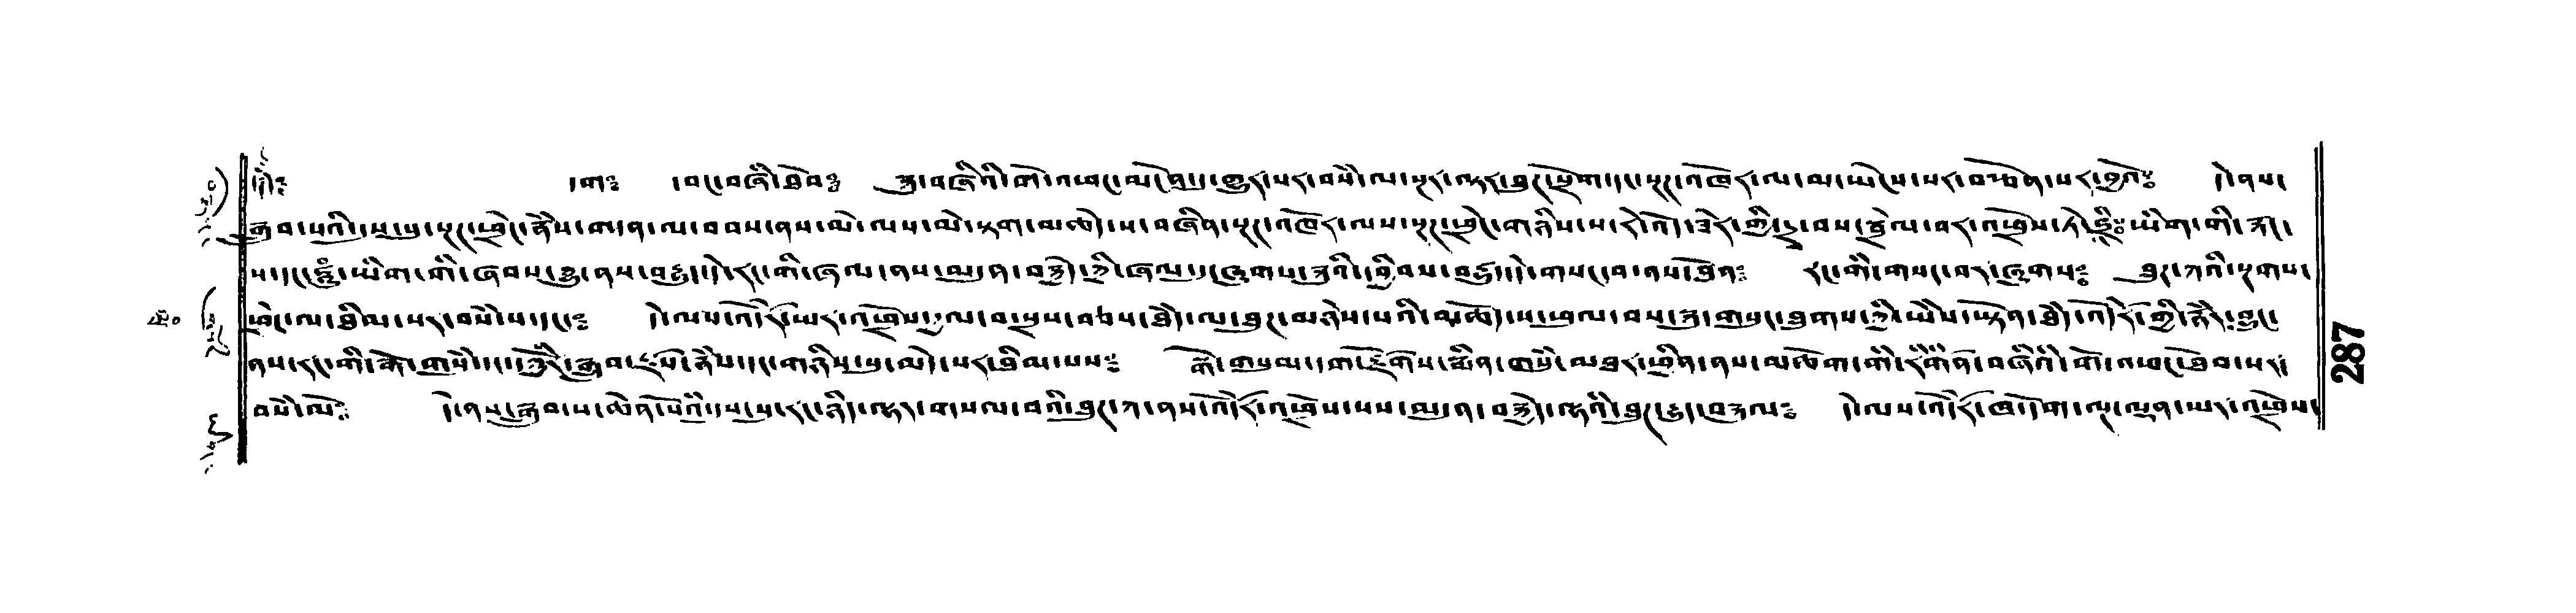དག༔ དབང་བཞི་ཐོབ༔ སྐུ་བཞིའི་གོ་འཕང་མངོན་དུ་གྱུར་པར་བསམ་ལ་སྔར་ལྟར་ཐུགས་སྲོག་དང་སྔགས་འཁོར་ལ་མ་ཡེངས་པར་བརྩོན་པར་བྱའོ༔ དེ་ནས་
སྒྲུབ་པའི་དུས་སུ་སྔགས་ཕྲེང་རྣམས་གདན་ལ་བབས་ནས་མེ་ལས་མེ་སྟག་མཆེད་པ་བཞིན་སྔགས་འཁོར་ལས་སྔགས་ཕྲེང་གཉིས་པ་རེ་འོད་ཟེར་གྱི་དྲྭ་བས་སྦྲེལ་བར་འཕྲོས་ཏེ་ཧྲཱིཿཡིག་གི་རྐང་
པ་དང་ཧཱུྃ་ཡིག་གི་ཞབས་ཀྱུ་ནས་བརྒྱུད་དེ་རང་གི་ཞལ་ནས་མདུན་བསྐྱེད་ཀྱི་ཞལ་དུ་ཞུགས་སྐུའི་དབྱིབས་བརྒྱུད་དེ་གསང་བ་ནས་ཐོན༔ རང་གི་གསང་བར་ཞུགས༔ ཐུགས་ཀའི་སྔགས་
ཕྲེང་ལ་ཐིམ་པར་བསམ་པ་དང༔ དེ་ལས་འོད་ཟེར་ཡར་འཕྲོས་རྒྱལ་བ་སྲས་བཅས་ཐམས་ཅད་ལ་ཐུགས་མཉེས་པའི་མཆོད་པ་ཕུལ་བས་སྐུ་གསུང་ཐུགས་ཀྱི་ཡེ་ཤེས་ཡོན་ཏན་ཐམས་ཅད་འོད་ཟེར་གྱི་རྣམ་པར་བྱུང་
ནས་རང་གི་སྒོ་གསུམ་དང་དཀྱིལ་འཁོར་སྒྲུབ་རྫས་རྣམས་དང་གཉིས་སུ་མེད་པར་ཐིམ་པས༔ སྒོ་གསུམ་དག་རྫོགས་སྨིན་གསུམ་མཐར་ཕྱིན་ནས་མཆོག་གི་རིག་འཛིན་གོ་འཕང་ཐོབ་པར་
བསམ་མོ༔ དེ་ནས་སྒྲུབ་པ་ཆེན་པོའི་དུས་སུ་རང་ཉིད་ལྷར་གསལ་བའི་ཐུགས་ཀ་ནས་འོད་ཟེར་འཕྲོས་པས་མདུན་བསྐྱེད་ལྷའི་ཐུགས་རྒྱུད་བསྐུལ༔དེ་ལས་འོད་ཟེར་ཁ་དོག་ལྔ་ལྡན་ཡར་འཕྲོས་